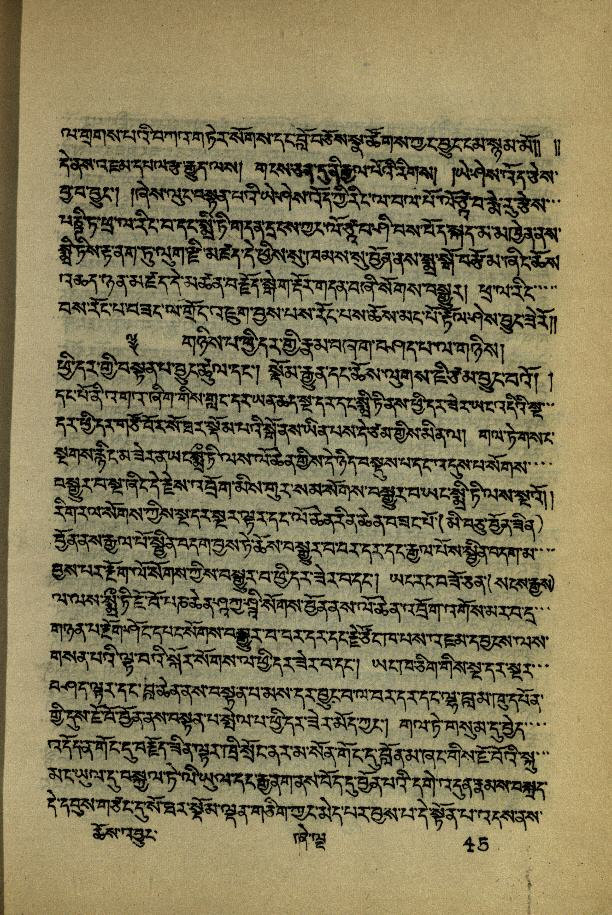ལ་གྲགས་པའི་བཀའ་གཏེར་སོགས་དང་བློ་བཅོས་སྣ་ཚོགས་ཀྱང་བྱུང་ངམ་སྙམ་མོ།། །།
དེ་ནས་འཇམ་དཔལ་རྩ་རྒྱུད་ལས། གངས་ཅན་དུ་ནི་རྒྱལ་པོའི་རིགས། །ཡེ་ཤེས་འོད་ཅེས་
བྱ་བ་བྱུང་། །ཞེས་ལུང་བསྟན་པའི་ཡེ་ཤེས་འོད་ཀྱི་རིང་ལ་བལ་པོ་ལོ་ཙཱ་བ་རྨེ་རུ་རྩེས་
པཎྜི་ཏ་ཕྲ་ལ་རིང་བ་དང་སྨྲི་ཏི་གདན་དྲངས་ཀྱང་ལོ་ཙཱ་བ་ཤི་བས་བོད་སྐད་མ་མཁྱེན་ནས་
སྨྲི་ཏིས་རྟ་ནག་ཏུ་ལུག་རྫི་མཛད་དེ་ཕྱིས་སུ་ཁམས་སུ་བྱོན་ནས་སྨྲ་སྒོ་བརྩོམ་ཞིང་ཆོས་
འཆད་ཉན་མཛད་དེ་མཚན་བརྗོད་སྒེག་རྡོར་གདན་བཞི་སོགས་བསྒྱུར། ཕྲ་ལ་རིང་
བས་རོང་པ་བཟང་ལ་གྲོང་འཇུག་བྱས་པས་རོང་པས་ཆོས་མང་པོ་རྟོལ་ཤེས་བྱུང་ཟེ་རོ།།
༈ གཉིས་པ་ཕྱི་དར་གྱི་རྣམ་བཞག་བཤད་པ་ལ་གཉིས།
ཕྱི་དར་གྱི་བསྟན་པ་བྱུང་ཚུལ་དང་། སྡོམ་རྒྱུན་དང་ཆོས་ལུགས་ཇི་ཙམ་བྱུང་བའོ། །
དང་པོ་ནི་འགའ་ཞིག་གིས་གླང་དར་ཡན་ཆད་སྔ་དར་དང་སྨྲི་ཏི་ནས་ཕྱི་དར་ཟེར་ཡང་འདིའི་སྔ་
དར་ཕྱི་དར་གཙོ་བོར་སོ་ཐར་སྡོམ་པའི་སྒོ་ནས་ཡིན་པས་དེ་ཙམ་གྱིས་མིན་ལ། གལ་ཏེ་གསང་
སྔགས་རྙིང་མ་ཟེར་ན་ཡང་སྨྲྀ་ཏི་ལས་ལོ་ཆེན་གྱིས་དེ་ཉིད་བསྡུས་པ་དང་འདུས་པ་སོགས་
བསྒྱུར་བ་སྔ་ཞིང་དེ་རྗེས་འབྲོག་མིས་གུར་སམ་སོགས་བསྒྱུར་བ་ཡང་སྨྲི་ཏི་ལས་སྔའོ།།
རིག་རལ་སོགས་ཀྱིས་སྔ་དར་སྔར་ལྟར་དང་ལོ་ཆེན་རིན་ཆེན་བཟང་པོ་མི་བཅུ་བྱོན་ཟིན
བྱོན་ནས་རྒྱལ་པོ་སྦྱིན་བདག་བྱས་ཏེ་ཆོས་བསྒྱུར་བ་བར་དར་དང་རྒྱལ་པོས་སྦྱིན་བདག་མ་
བྱས་པར་རྔོག་ལོ་སོགས་ཀྱིས་བསྒྱུར་བ་ཕྱི་དར་ཟེར་བ་དང་། ཡང་རང་བཟོ་ཅན་སངས་རྒྱས
ལ་ལས་སྨྲྀ་ཏི་ཇོ་བོ་པཎ་ཆེན་ཤཱཀྱ་ཤྲཱི་སོགས་བྱོན་ནས་ལོ་ཆེན་འབྲོག་འགོས་མར་བ་དྲ་
གཉན་པ་རྔོག་ཤོང་དབང་སོགས་བསྒྱུར་བ་བར་དར་དང་རྗེ་རྩོང་ཁ་པས་འཇམ་དབྱངས་ལས་
གསན་པའི་ལྟ་བའི་སྐོར་སོགས་ལ་ཕྱི་དར་ཟེར་བ་དང་། ཡང་ཁ་ཅིག་གིས་སྔ་དར་སྔར་
བཤད་ལྟར་དང་བླ་ཆེན་ནས་བསྟན་པ་མས་དར་བྱུང་བ་ལ་བར་དར་དང་ལྷ་བླ་མ་ཁུ་དཔོན་
གྱི་དུས་ཇོ་བོ་བྱོན་ནས་བསྟན་པ་སྤེལ་པ་ཕྱི་དར་ཟེར་མོད་ཀྱང་། གལ་ཏེ་གསུམ་དུ་བྱེད་
འདོད་ན་གོང་དུ་བརྗོད་ཟིན་ལྟར་ཁྲི་སྲོང་ནར་མ་སོན་གོང་དུ་བློན་མ་ཞང་གིས་ཇོ་བོའི་སྐུ་
མང་ཡུལ་དུ་བསྐྱལ་ཏེ་ལི་ཡུལ་དང་རྒྱ་ནག་ནས་བོད་དུ་བྱོན་པའི་དགེ་འདུན་རྣམས་བསྐྲད་
དེ་དབུས་གཙང་དུ་སོ་ཐར་སྡོམ་ལྡན་གཅིག་ཀྱང་མེད་པར་བྱས་པ་དེ་སྟོན་པ་འདས་ནས་